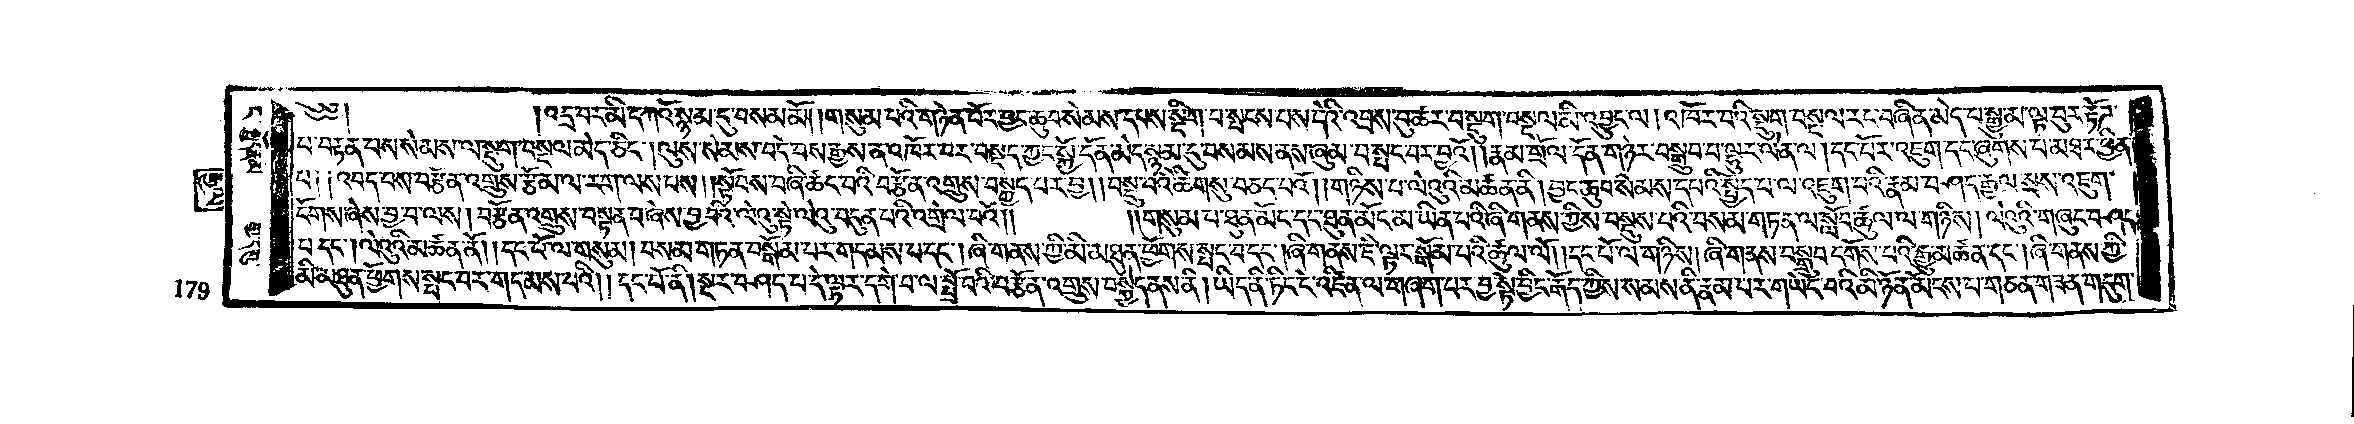༄༅། །འདྲ་བར་མི་དཀའོ་སྙམ་དུ་བསམ་མོ། །གསུམ་པའི་གཉེན་པོར་བྱང་ཆུབ་སེམས་དཔས་སྡིག་པ་སྤངས་པས་དེའི་འབྲས་བུ་ཚར་བ་སྡུག་བསྔལ་མི་འབྱུང་ལ། འཁྲོ་བའི་སྡུག་བསྔལ་རང་བཞིན་མེད་པ་སྒྱུ་མ་ལྟ་བུར་རྟོགས་
པ་བརྟན་པས་སེམས་ལ་སྡུག་བསྔལ་མེད་ཅིང་། ལུས་སེམས་བདེ་བས་རྒྱས་ན་འཁོར་བར་བསྡད་ཀྱང་སྐྱོ་དོན་མེད་སྙམ་དུ་བསམས་ནས་ཞུམ་པ་སྤང་བར་བྱའོ། །རྣམ་གྲོལ་དོན་གཉེར་བསྒྲུབ་པ་ལྷུར་ལེན་ལ། དང་པོར་འཇུག་དང་ཞུགས་པ་མཐར་ཕྱིན་
པ༑ ༑འབད་པས་བརྩོན་འགྲུས་རྩོམ་ལ་རག་ལས་པས། །སྟོབས་བཞི་ཚང་བའི་བརྩོན་འགྲུས་བསྐྱད་པར་བྱ། །བསྡུ་བའི་ཚིག་སུ་གཅད་པའོ། །གཉིས་པ་ལེའུའི་མཚན་ནི། བྱང་ཆུབ་སེམས་དཔའི་སྤྱོད་པ་ལ་འཇུག་པའི་རྣམ་བཤད་རྒྱལ་སྲས་འཇུག་
ངོགས་ཞེས་བྱ་བ་ལས། བརྩོན་འགྲུས་བསྟན་པ་ཞེས་བྱ་བའི་ལེའུ་སྟེ་ལེའུ་བདུན་པའི་འགྲེལ་པའོ།། །།གསུམ་པ་ཐུན་མོང་དང་ཐུན་མོང་མ་ཡིན་པའི་ཞི་གནས་ཀྱིས་བསྡུས་པའི་བསམ་གཏན་ལ་སློབ་ཚུལ་ལ་གཉིས། ལེའུའི་གཞུང་བཤད་
པ་དང་། ལེའུའི་མཚན་ནོ། །དང་པོ་ལ་གསུམ། བསམ་གཏན་བསྒོམ་པར་གདམས་པ་དང་། ཞི་གནས་ཀྱི་མི་མཐུན་ཕྱོགས་སྤང་བ་དང་། ཞི་གནས་ཇི་ལྟར་སྒོམ་པའི་ཚུལ་ལོ། །དང་པོ་ལ་གཉིས། ཞི་གནས་བསྒྲུབ་དགོས་པའི་རྒྱུ་མཚན་དང་། ཞི་གནས་ཀྱི་
མི་མཐུན་ཕྱོགས་སྤང་བར་གདམས་པའི། །དང་པོ་ནི། སྔར་བཤད་པ་དེ་ལྟར་དགེ་བ་ལ་སྤྲོ་བའི་བརྩོན་འགྲུས་བསྐྱེད་ནས་ནི། ཡིད་ནི་ཏིང་ངེ་འཛིན་ལ་གཞག་པར་བྱ་སྟེ་བྱིང་རྒོད་ཀྱིས་སེམས་ནི་རྣམ་པར་གཡེང་བའི་མི་ཉོན་མོངས་པ་གཅན་གཟན་གདུག་